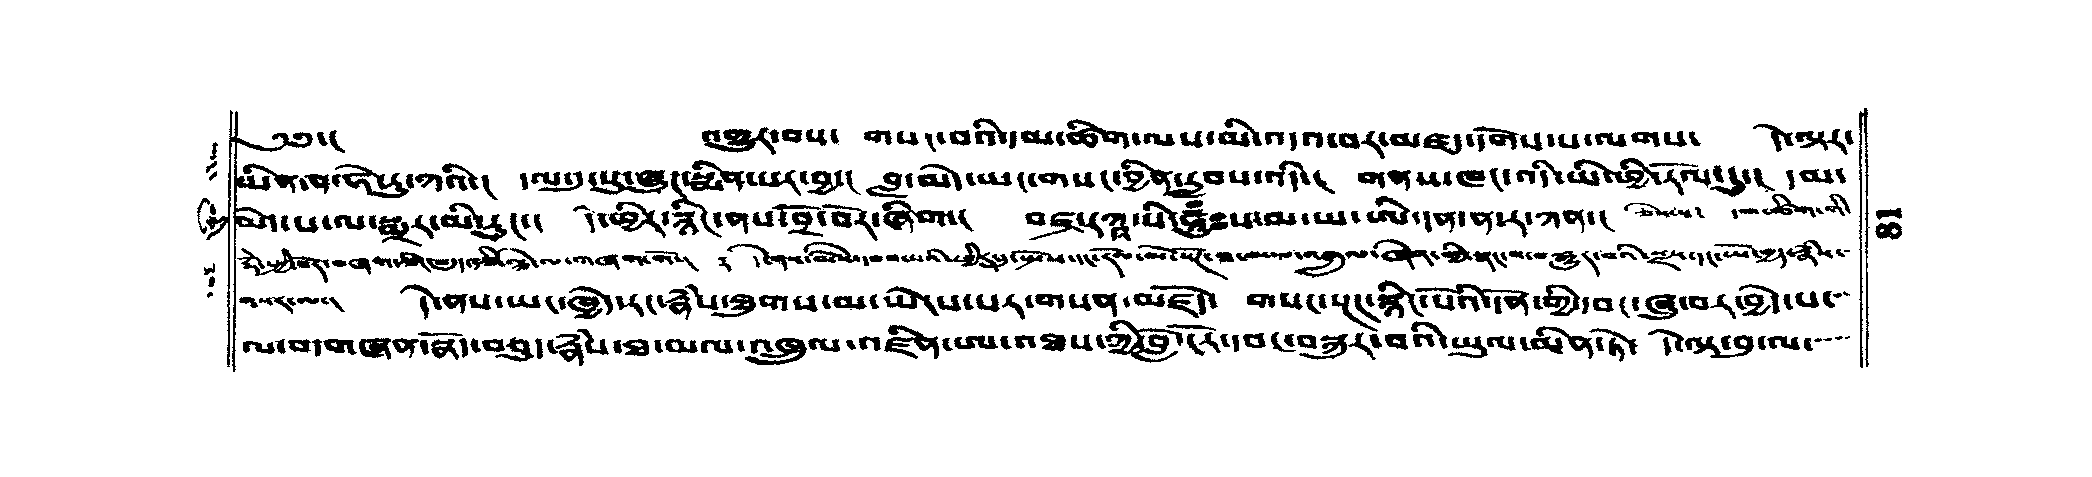འགྱུར་བས། གསང་བའི་དམ་ཚིག་ལས་མི་འདའ་བར་མཛད་དགོས་པ་ལགས། དེ་ལྟར་
ཡིན་ན་ཧེ་རུ་ཀའི། ། དལ་དུས་སུ་ཞུགས་སྨིན་པར་བྱ། བླ་མེད་ཡང་གསང་བྱིན་རླབས་འདི། །གནས་ཁང་འདི་ཡི་ཕྱི་རོལ་དུ། །དམ་
མེད་པ་ལ་སྨྲར་མི་རུང་། དེ་ཕྱིར་སྙིང་ནས་བྲོ་བོར་ཞིག་བཛྲ་རཀར་སི་ཧཱུཾཿས་མ་ཡ་ཨི་དན་ན་ར་ཀན། ཅེས་པས། དམ་ཚིག་གི་
རྡོ་རྗེ་སྤྱི་བོར་བཞག་ཅིང་བདུད་རྩི་ལྕེ་ལ་བཞག་གོ་ ༈ དེ་ནས་ཡེ་ཤེས་དབབ་པའི་ཕྱིར་དུ་སྤོས་དང་རོལ་མོ་སོགས་ཐ་མལ་འཁྲུལ་ཞེན་གྱི་སྣང་བ་བསྒྱུར་བའི་རྫས་དང་ཡོ་བྱད་རྣམས་
གསར་ལ། དེ་ནས་ཡང་ཁྱོད་རྣམས་ཐུགས་མ་ཡེངས་པར་གསན་མཛོད། གསང་སྔགས་སྙིང་པོའི་དོན་གྱི་དབང་ཞུ་བར་བྱེད་པ་
ལ་བདག་གཞན་སྣོད་བཅུད་རྣམས་ཐ་མལ་འཁྲུལ་འཛིན་ཨ་འཐས་ཀྱི་བློ་ངོར་དབང་བསྐུར་བའི་ཡུལ་མིན་ཏེ། དེ་ལྟ་བུ་ལ་